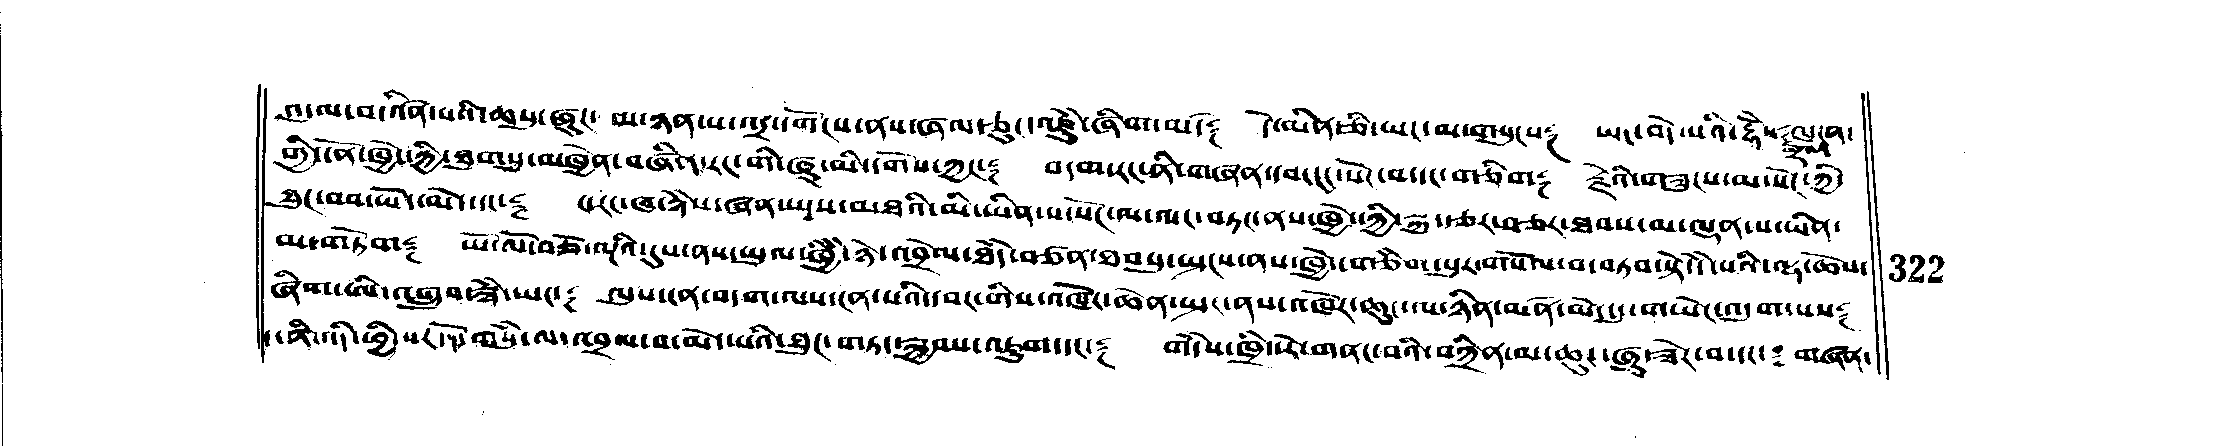འདུལ་བ་འཛིན་པའི་ཆས་སུ་ཞུགས་མ་ཉན་པ་འདྲ་དགོངས་ནས་ཞལ་ཅུང་འཛུམ་ཞིག་མཛད།དེ་མིན་ཅི་ཡང་མ་གསུངས། ཡང་བདེ་བའི་རྡོ་རྗེས་མཁའ་འགྲོའི་ལུང་བསྟན་
གྱི་དོན་ཁྱེད་ཀྱི་ཐུགས་སུ་མཁྱེན་བཞིན་རང་གི་ཞུ་མི་དགོས་ཀྱང་། བདག་རང་ནི་གཞན་དབང་དུ་སོང་བ་དང་གཅིག རྗེའི་གཟུངས་མ་སོགས་ཀྱི་
ཐུགས་བབ་ཡོད་མེད་དང་། ང་རང་ཁ་ཉམས་ཞན་ནས་དུས་མཐའི་མི་ཡིན་པ་སོགས་ལ་ལང་བཏང་ནས་ཁྱེད་ཀྱི་སྐུ་རྩར་བཅར་ཐབས་མ་ལྡན་པ་ཡིན་
མ་གཏོགས། མོ་ལོ་བཅོ་ལྔའི་དུས་ནས་ཡུལ་ཁྱིམ་ཉེ་འབྲེལ་ཐམས་ཅད་བཙན་ཐབས་སུ་སྤངས་ནས་ཁྱེད་གཅིག་པུར་གསོལ་བ་བཏབ་སྟེ་དམ་པའི་ལྷ་ཆོས་
ཞིག་ཨི་འགྲུབ་སྙམ་ཡང་། ལུས་ངན་བདག་ལས་ངན་པའི་དབང་གིས་འཁོར་ཆེན་སྤང་ནས་འཁོར་ཆུང་ལ་ཉིན་མཚན་མེད་དུ་གཡེང་འདུག་པས། 
ད་ནི་འདི་ཕྱི་བར་དོ་གསུམ་ལ་འབྲལ་བ་མེད་པའི་ཐུགས་གཏད་སྐྱབས་འཇུག་དང་། གདམས་ཁྲིད་རེ་གནང་བའི་བཀའ་དྲིན་མ་ཆུང་ཞུ་ཟེར་བ་དང་། གཞན་